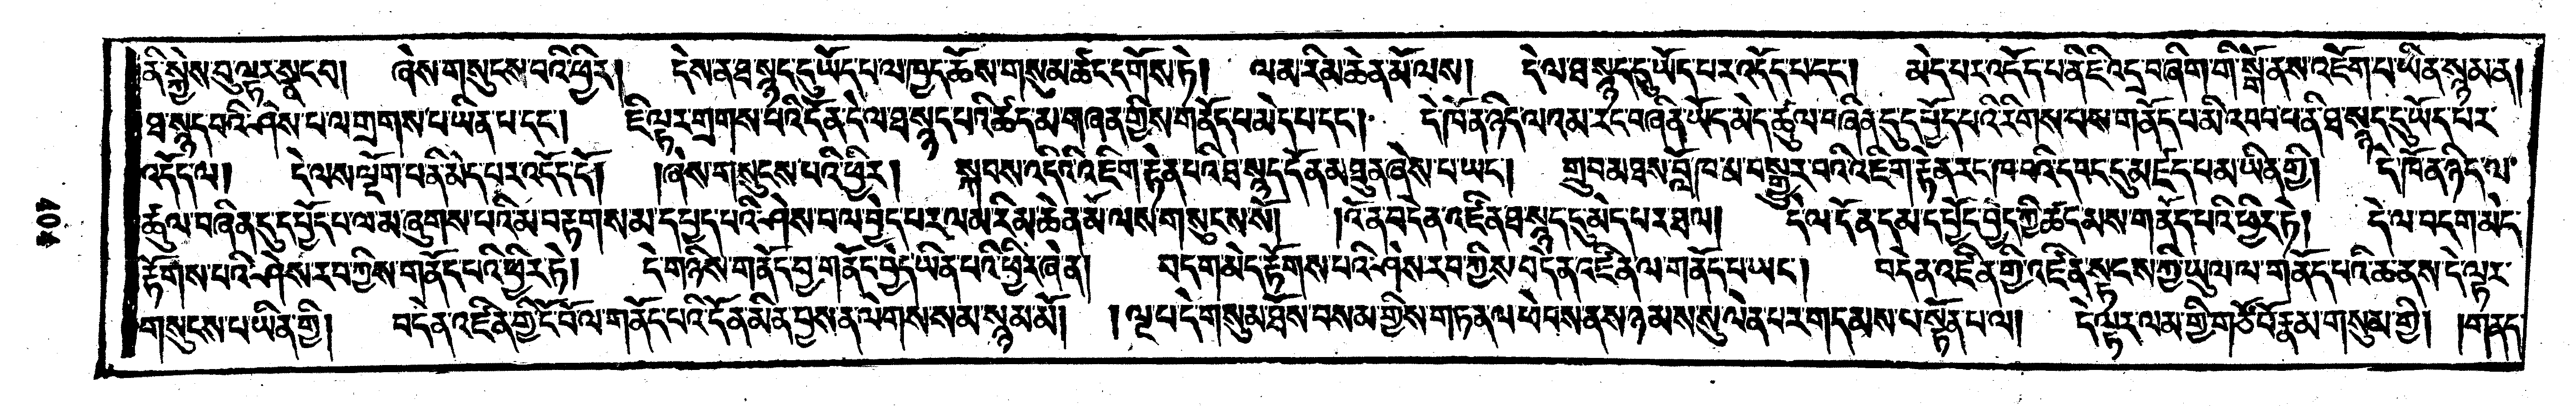ནི་སྐྱེས་བུ་ལྟར་སྣང་བ། ཞེས་གསུངས་པའི་ཕྱིར། དེས་ན་ཐ་སྙད་དུ་ཡོད་པ་ལ་ཁྱད་ཆོས་གསུམ་ཚང་དགོས་ཏེ། ལམ་རིམ་ཆེན་མོ་ལས། དེ་ལ་ཐ་སྙད་དུ་ཡོད་པར་འདོད་པ་དང་། མེད་པར་འདོད་པ་ནི་ཇི་འདྲ་བ་ཞིག་གི་སྒོ་ནས་འཇོག་པ་ཡིན་སྙམ་ན།
ཐ་སྙད་པའི་ཤེས་པ་ལ་གྲགས་པ་ཡིན་པ་དང་། ཇི་ལྟར་གྲགས་པའི་དོན་དེ་ལ་ཐ་སྙད་པའི་ཚད་མ་གཞན་གྱིས་གནོད་པ་མེད་པ་དང་། དེ་ཁོ་ན་ཉིད་ལའམ་རང་བཞིན་ཡོད་མེད་ཚུལ་བཞིན་དུ་དཔྱོད་པའི་རིགས་པས་གནོད་པ་མི་འབབ་པ་ནི་ཐ་སྙད་དུ་ཡོད་པར་
འདོད་ལ། དེ་ལས་ལྡོག་པ་ནི་མེད་པར་འདོད་དོ། །ཞེས་གསུངས་པའི་ཕྱིར། སྐབས་འདིའི་འཇིག་རྟེན་པའི་ཐ་སྙད་དོན་མཐུན་ཞེས་པ་ཡང་། གྲུབ་མཐས་བློ་ཁ་མ་བསྒྱུར་བའི་འཇིག་རྟེན་རང་ཁ་བའི་དབང་དུ་མཛད་པ་མ་ཡིན་གྱི། དེ་ཁོ་ན་ཉིད་ལ་
ཚུལ་བཞིན་དུ་དཔྱོད་པ་ལ་མ་ཞུགས་པའི་མ་བརྟགས་མ་དཔྱད་པའི་ཤེས་པ་ལ་བྱེད་པར་ལམ་རིམ་ཆེན་མོ་ལས་གསུངས་སོ། །འོ་ན་བདེན་འཛིན་ཐ་སྙད་དུ་མེད་པར་ཐལ། དེ་ལ་དོན་དམ་དཔྱོད་བྱེད་ཀྱི་ཚད་མས་གནོད་པའི་ཕྱིར་ཏེ། དེ་ལ་བདག་མེད་
རྟོགས་པའི་ཤེས་རབ་ཀྱིས་གནོད་པའི་ཕྱིར་ཏེ། དེ་གཉིས་གནོད་བྱ་གནོད་བྱེད་ཡིན་པའི་ཕྱིར་ཞེ་ན། བདག་མེད་རྟོགས་པའི་ཤེས་རབ་ཀྱིས་བདེན་འཛིན་ལ་གནོད་པ་ཡང་། བདེན་འཛིན་གྱི་འཛིན་སྟངས་ཀྱི་ཡུལ་ལ་གནོད་པའི་ཆ་ནས་དེ་ལྟར་
གསུངས་པ་ཡིན་གྱི། བདེན་འཛིན་གྱི་ངོ་བོ་ལ་གནོད་པའི་དོན་མིན་བྱས་ན་ལེགས་སམ་སྙམ་མོ། །ལྔ་པ་དེ་གསུམ་ཐོས་བསམ་གྱིས་གཏན་ལ་ཕེབས་ནས་ཉམས་སུ་ལེན་པར་གདམས་པ་སྟོན་པ་ལ། དེ་ལྟར་ལམ་གྱི་གཙོ་བོ་རྣམ་གསུམ་གྱི། །གནད་